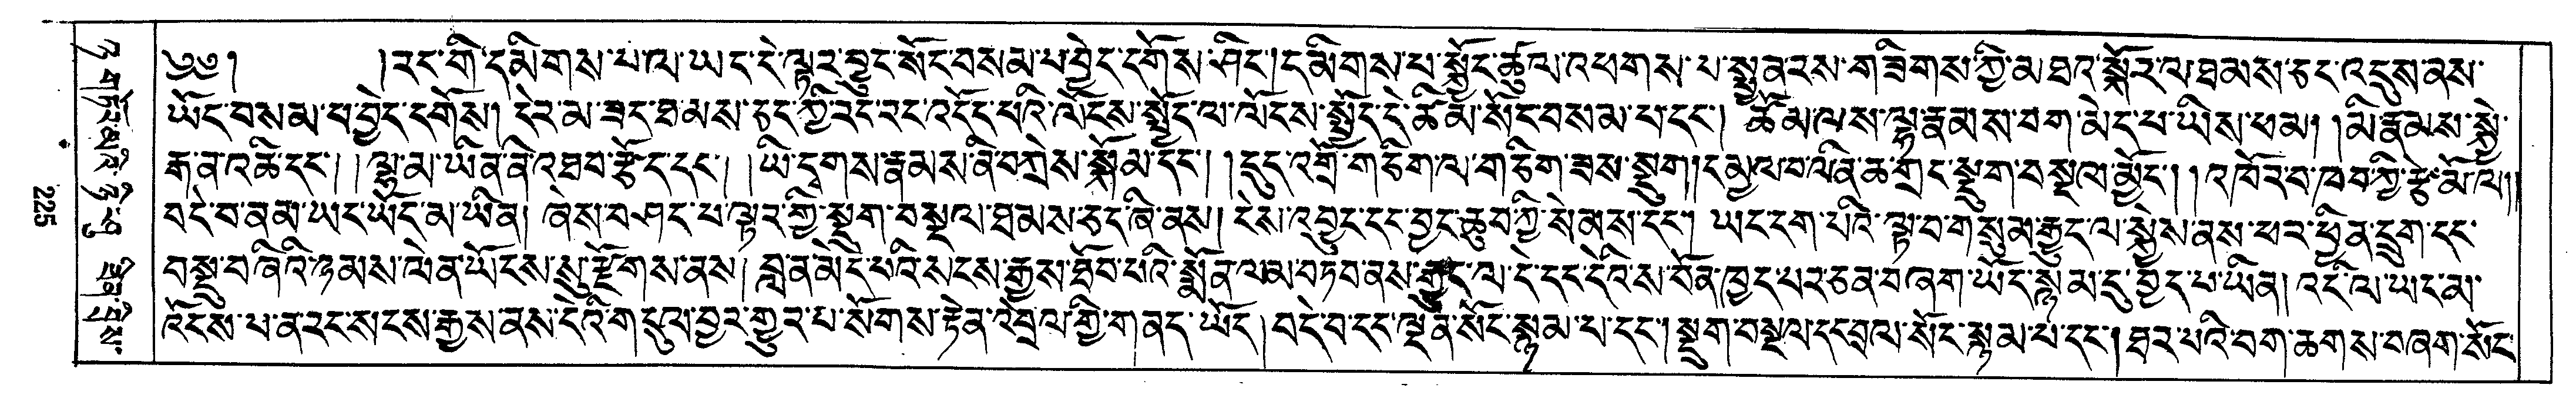༄༅། །རང་གི་དམིགས་བ་ལ་ཡང་དེ་ལྟར་བྱུང་སོང་བསམ་པ་བྱེད་དགོས་ཤིང་། དམིགས་པ་སྐྱོང་ཚུལ་འཕགས་བ་སྤྱན་རས་གཟིགས་ཀྱི་མཐའ་སྐོར་ལ་ཐམས་ཅད་བདུས་ནས་
ཡོང་བསམ་པ་བྱེད་དགོས། དེར་མ་ཟད་ཐམས་ཅད་ཀྱི་རང་རང་འདོད་པའི་ལོངས་སྤྱོད་ལ་ལོངས་སྤྱད་དེ་ཚིམ་སོང་བསམ་པ་དང་། ཚོམ་ལས་ལྷ་རྣམས་བག་མེད་པ་ཡིས་ཕམ། །མི་རྣམས་སྐྱེ་
རྒ་ན་འཆི་དང་། །ལྷ་མ་ཡིན་ནི་འཐབ་རྩོད་དང་། །ཡི་དྭགས་རྣམས་ནི་བཀྲེས་སྐོམ་དང་། །དུད་འགྲོ་གཅིག་ལ་གཅིག་ཟས་སྡུག། དམྱལ་བ་ལ་ནི་ཚ་གྲང་སྡུག་བསྔལ་མྱོང་། །འཁོར་བ་ཁབ་ཀྱི་རྩེ་མོ་ལ།
བདེ་བ་ནམ་ཡང་ཡོད་མ་ཡིན། ཞེས་བཤད་པ་ལྟར་གྱི་སྡུག་བསྔལ་ཐམས་ཅད་ཞི་ནས། ངེས་འབྱུང་དང་བྱང་ཆུབ་ཀྱི་སེམས་དང་། ཡང་དག་པའི་ལྟ་བ་གསུམ་རྒྱུད་ལ་སྐྱེས་ནས་ཕར་ཕྱིན་དྲུག་དང་
བསྡུ་བཞིའི་ཉམས་ལེན་ཡོངས་སུ་རྫོགས་ནས། བླ་ན་མེད་པའི་སངས་རྒྱས་ཐོབ་པའི་སྨོན་ལམ་བཏབ་ནས་རྒྱུད་ལ་དེ་དང་དེའི་ས་བོན་ཁྱད་པར་ཅན་བཞག་ཡོང་སྙམ་དུ་བྱེད་པ་ཡིན། འདི་ལ་ཡང་མ་
འོངས་པ་ན་རང་སངས་རྒྱས་ནས་དེའི་གདུལ་བྱར་གྱུར་པ་སོགས་རྟེན་འབྲེལ་གྱི་གནད་ཡོད། བདེ་བ་དང་ལྡན་སོང་སྙམ་པ་དང་། སྡུག་བསྔལ་དང་བྲལ་སོང་སྙམ་པ་དང་། ཐར་བའི་བག་ཆགས་བཞག་སོང་